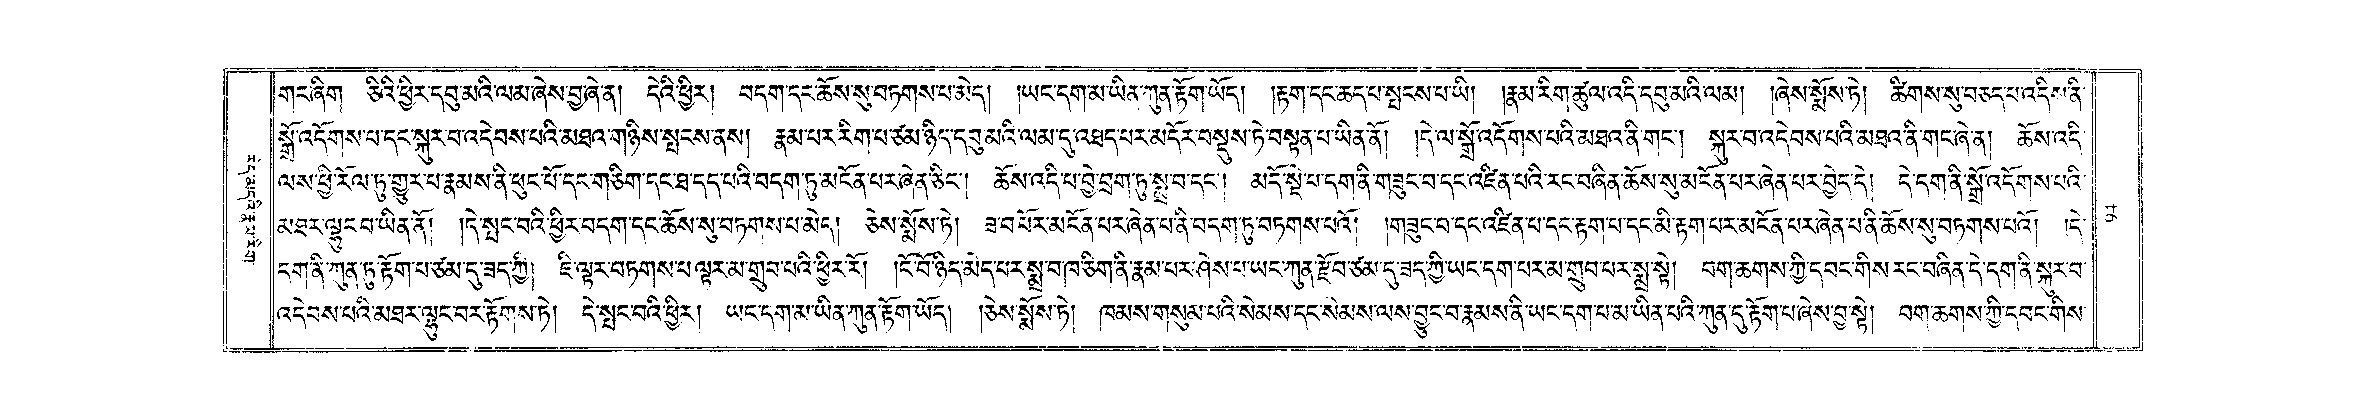གང་ཞིག་ཅིའི་ཕྱིར་དབུ་མའི་ལམ་ཞེས་བྱ་ཞེ་ན། དེའི་ཕྱིར། བདག་དང་ཆོས་སུ་བཏགས་པ་མེད། །ཡང་དག་མ་ཡིན་ཀུན་རྟོག་ཡོད། །རྟག་དང་ཆད་པ་སྤངས་པ་ཡི། །རྣམ་རིག་ཚུལ་འདི་དབུ་མའི་ལམ། །ཞེས་སྨོས་ཏེ། ཚིགས་སུ་བཅད་པ་འདིས་ནི་
སྒྲོ་འདོགས་པ་དང་སྐུར་བ་འདེབས་པའི་མཐའ་གཉིས་སྤངས་ནས། རྣམ་པར་རིག་པ་ཙམ་ཉིད་དབུ་མའི་ལམ་དུ་འཐད་པར་མདོར་བསྡུས་ཏེ་བསྟན་པ་ཡིན་ནོ། །དེ་ལ་སྒྲོ་འདོགས་པའི་མཐའ་ནི་གང་། སྐུར་བ་འདེབས་པའི་མཐའ་ནི་གང་ཞེ་ན། ཆོས་འདི་
ལས་ཕྱི་རོལ་ཏུ་གྱུར་པ་རྣམས་ནི་ཕུང་པོ་དང་གཅིག་དང་ཐ་དད་པའི་བདག་ཏུ་མངོན་པར་ཞེན་ཅིང་། ཆོས་འདི་པ་བྱེ་བྲག་ཏུ་སྨྲ་བ་དང་། མདོ་སྡེ་པ་དག་ནི་གཟུང་བ་དང་འཛིན་པའི་རང་བཞིན་ཆོས་སུ་མངོན་པར་ཞེན་པར་བྱེད་དེ། དེ་དག་ནི་སྒྲོ་འདོགས་པའི་
མཐར་ལྷུང་བ་ཡིན་ནོ། །དེ་སྤང་བའི་ཕྱིར་བདག་དང་ཆོས་སུ་བཏགས་པ་མེད། ཅེས་སྨོས་ཏེ། ཟ་བ་པོར་མངོན་པར་ཞེན་པ་ནི་བདག་ཏུ་བཏགས་པའོ། །གཟུང་བ་དང་འཛིན་པ་དང་རྟག་པ་དང་མི་རྟག་པར་མངོན་པར་ཞེན་པ་ནི་ཆོས་སུ་བཏགས་པའོ། །དེ་
དག་ནི་ཀུན་ཏུ་རྟོག་པ་ཙམ་དུ་ཟད་ཀྱི། ཇི་ལྟར་བཏགས་པ་ལྟར་མ་གྲུབ་པའི་ཕྱིར་རོ། །ངོ་བོ་ཉིད་མེད་པར་སྨྲ་བ་ཁ་ཅིག་ནི་རྣམ་པར་ཤེས་པ་ཡང་ཀུན་རྫོབ་ཙམ་དུ་ཟད་ཀྱི་ཡང་དག་པར་མ་གྲུབ་པར་སྨྲ་སྟེ། བག་ཆགས་ཀྱི་དབང་གིས་རང་བཞིན་དེ་དག་ནི་སྐུར་བ་
འདེབས་པའི་མཐར་ལྷུང་བར་རྟོགས་ཏེ། དེ་སྤང་བའི་ཕྱིར། ཡང་དག་མ་ཡིན་ཀུན་རྟོག་ཡོད། །ཅེས་སྨོས་ཏེ། ཁམས་གསུམ་པའི་སེམས་དང་སེམས་ལས་བྱུང་བ་རྣམས་ནི་ཡང་དག་པ་མ་ཡིན་པའི་ཀུན་དུ་རྟོག་པ་ཞེས་བྱ་སྟེ། བག་ཆགས་ཀྱི་དབང་གིས་